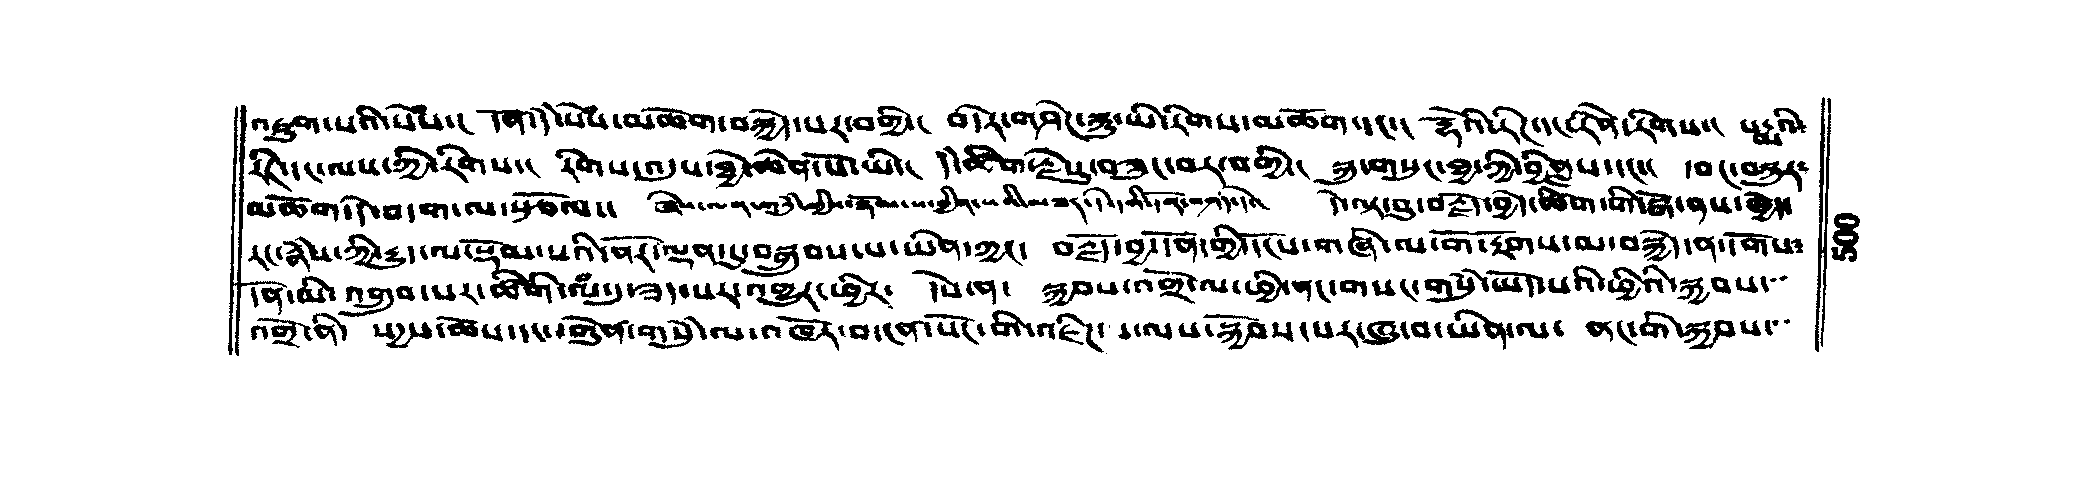དང་འཇུག་པའི་སེམས། །དོན་དམ་སེམས་མཆོག་བསྐྱེད་པར་བགྱི། །བདེ་བཤེགས་སྐུའི་རིགས་མཆོག་དང་། །རྡོ་རྗེ་རིགས་དང་རིན་ཆེན་རིགས། །པདྨའི་
རིགས་དང་ལས་ཀྱི་རིགས། །རིགས་འདུས་ཐུགས་རྗེ་ཆེན་པོ་ཡི། །དམ་ཚིག་རྗེས་སུ་བཟུང་བར་བགྱི། །སྐུ་གསུང་ཐུགས་ཀྱི་བྱིན་རླབས་དང་། །དབང་བསྐུར་
མཆོག་དེ་བདག་ལ་སྩོལ། ཞེས་ལན་གསུམ་གྱི་སྡོམ་པ་བྱིན་པའི་མཐར་དེ་དག་གི་དོན་བཤད་དེ། དེ་ལྟ་བུ་བརྗོད་བྱེད་ཚིག་གི་སྒོ་ནས་ཁྱེད་
རང་རྣམས་ཀྱི་རྒྱུད་ལ་སྡོམ་པའི་ནོར་ལྡན་དུ་བསྒྲུབས་པ་ཡིན་ཀྱང་། བརྗོད་བྱ་དོན་གྱི་དངོས་གཞི་ལ་གོ་རྟོགས་མ་བསྐྱེད་ན་དགོས་
དོན་མི་འགྲུབ་པར་ཚིག་གི་ལམ་དུ་ཟད་པར་འགྱུར་ཕྱིར། །དེས་ན་སྐྱབས་འགྲོ་ལ་ཕྱི་ནང་གསང་གསུམ་ཡོད་པའི་ཕྱིའི་སྐྱབས་
འགྲོ་ནི། སངས་རྒྱས་ཆོས་དང་དཀོན་མཆོག་གསུམ་ལ་འཁོར་བ་ངན་སོང་གི་འཇིགས་པ་ལས་སྐྱོབས་པར་ཞུ་བ་ཡིན་ལ། ནང་གི་སྐྱབས་